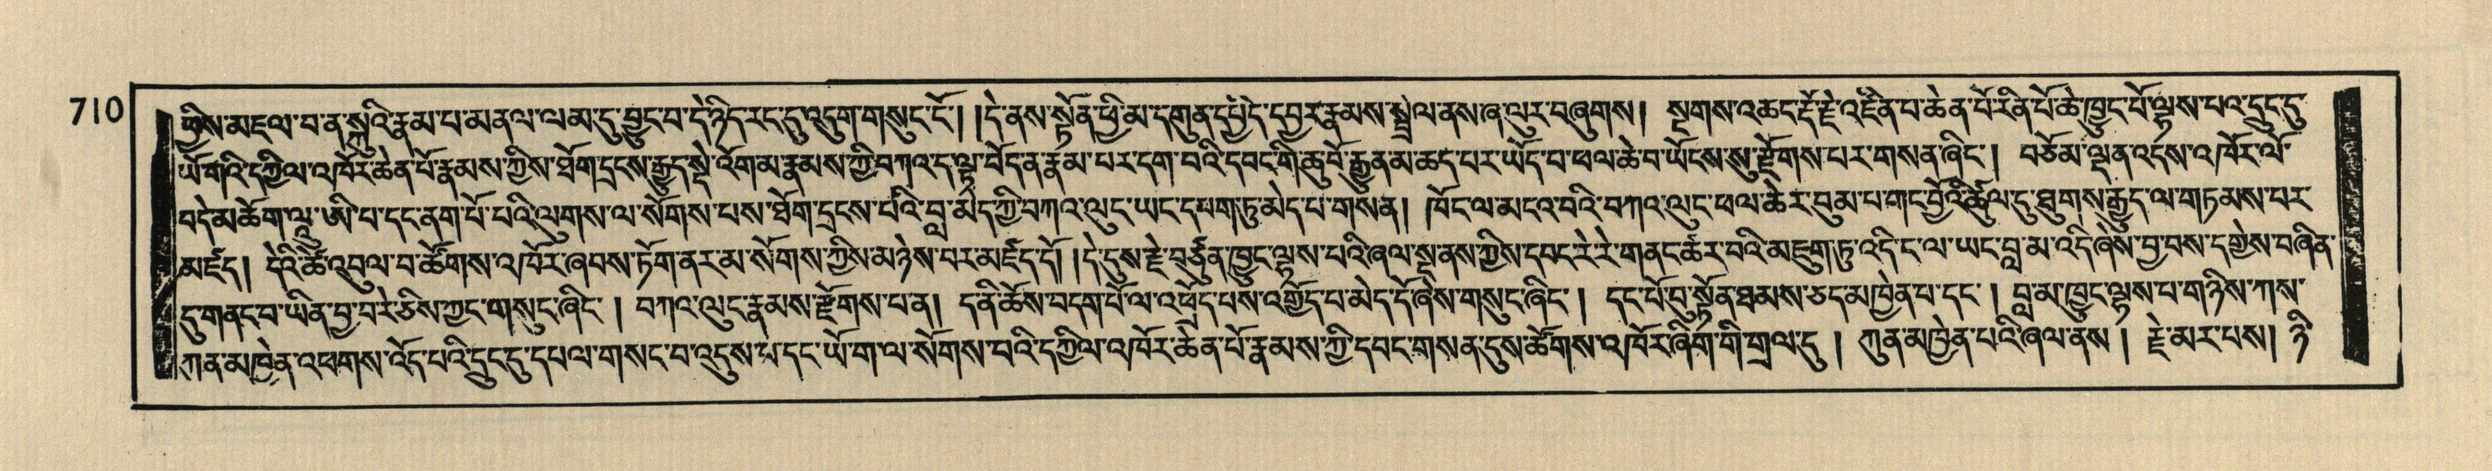ཕྱིས་མཇལ་བ་ན་སྐུའི་རྣམ་པ་མནལ་ལམ་དུ་བྱུང་བ་དེ་ཉིད་རང་དུ་འདུག་གསུང་ངོ། །དེ་ནས་སྟོན་ཕྱི་མ་དགུན་དཔྱིད་དབྱར་རྣམས་སྦྲེལ་ནས་ཞ་ལུར་བཞུགས། སྔགས་འཆང་རྡོ་རྗེ་འཛིན་པ་ཆེན་པོ་རིན་པོ་ཆེ་ཁྱུང་པོ་ལྷས་པའ་དྲུང་དུ་
ཡོ་གའི་དཀྱིལ་འཁོར་ཆེན་པོ་རྣམས་ཀྱིས་ཐོག་དྲངས་རྒྱུད་སྡེ་འོག་མ་རྣམས་ཀྱི་བཀའ་ད་ལྟ་བོད་ན་རྣམ་པར་དག་བའི་དབང་གི་ཆུ་བོ་རྒྱུན་མ་ཆད་པར་ཡོད་པ་ཕལ་ཆེ་བ་ཡོངས་སུ་རྫོགས་པར་གསན་ཞིང་། བཅོམ་ལྡན་འདས་འཁོར་ལོ་
བདེ་མཆོག་ལཱུ་ཨི་པ་དང་ནག་པོ་པའི་ལུགས་ལ་སོགས་པས་ཐོག་དྲངས་པའི་བླ་མེད་ཀྱི་བཀའ་ལུང་ཡང་དཔག་ཏུ་མེད་པ་གསན། ཁོང་ལ་མངའ་བའི་བཀའ་ལུང་ཕལ་ཆེར་བུམ་པ་གང་བྱོའི་ཚུལ་དུ་ཐུགས་རྒྱུད་ལ་གཏམས་པར་
མཛད། དེའི་ཚེ་འབུལ་བ་ཚོགས་འཁོར་ཞབས་ཏོག་ནར་མ་སོགས་ཀྱིས་མཉེས་པར་མཛད་དོ། །དེ་དུས་རྗེ་བཙུན་ཁྱུང་ལྷས་པའི་ཞལ་སྔ་ནས་ཀྱིས་དབང་རེ་རེ་གནང་ཚར་བའི་མཇུག་ཏུ་འདི་ང་ལ་ཡང་བླ་མ་འདི་ཞེས་བྱ་བས་དགྱེས་བཞིན་
དུ་གནང་བ་ཡིན་བྱ་བ་རེ་ཅིས་ཀྱང་གསུང་ཞིང་། བཀའ་ལུང་རྣམས་རྫོགས་པ་ན། ད་ནི་ཆོས་བདག་པོ་ལ་འཕྲོད་པས་འགྱོད་པ་མེད་དོ་ཞེས་གསུང་ཞིང་། དང་པོ་བུ་སྟོན་ཐམས་ཅད་མཁྱེན་པ་དང་། བླ་མ་ཁྱུང་ལྷས་པ་གཉིས་ཀས་
ཀུན་མཁྱེན་འཕགས་འོད་པའི་དྲུང་དུ་དཔལ་གསང་བ་འདུས་པ་དང་ཡོ་ག་ལ་སོགས་པའི་དཀྱིལ་འཁོར་ཆེན་པོ་རྣམས་ཀྱི་དབང་གསན་དུས་ཚོགས་འཁོར་ཞིག་གི་གྲལ་དུ། ཀུན་མཁྱེན་པའི་ཞལ་ནས། རྗེ་མར་པས། ཉི་